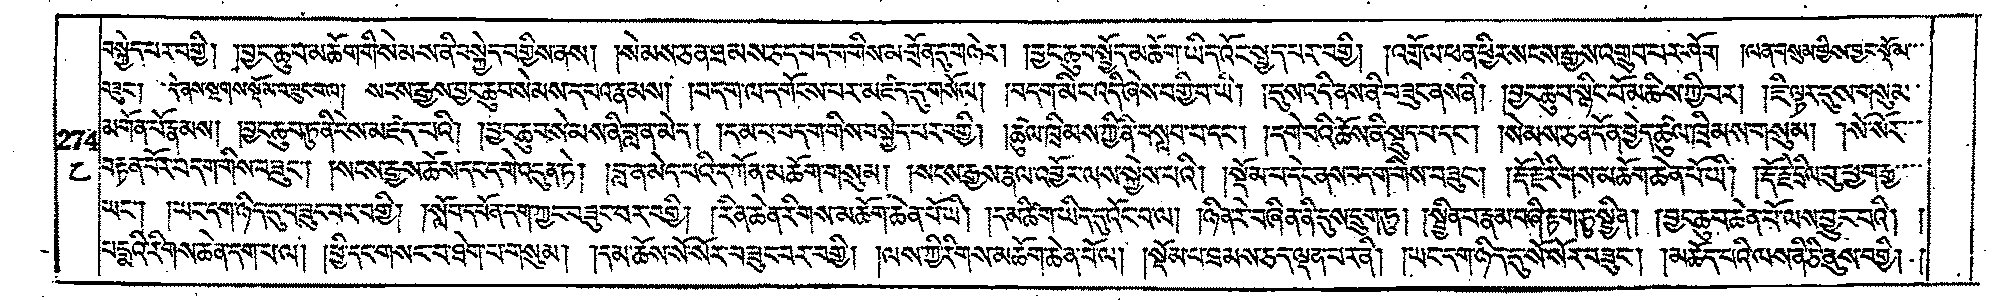བསྐྱེད་པར་བགྱི། །བྱང་ཆུབ་མཆོག་གི་སེམས་ནི་བསྐྱེད་བགྱིས་ནས། །སེམས་ཅན་ཐམས་ཅད་བདག་གིས་མགྲོན་དུ་གཉེར། །བྱང་ཆུབ་སྤྱོད་མཆོག་ཡིད་འོང་སྤྱད་པར་བགྱི། །འགྲོ་ལ་ཕན་ཕྱིར་སངས་རྒྱས་འགྲུབ་པར་ཤོག །ལན་གསུམ་གྱིས་བྱང་སྡོམ་་་
བཟུང་། དེ་ནས་སྔགས་སྡོམ་བཟུང་བ་ལ། སངས་རྒྱས་བྱང་ཆུབ་སེམས་དཔའ་རྣམས། །བདག་ལ་དགོངས་པར་མཛད་དུ་གསོལ། །བདག་མིང་འདི་ཞེས་བགྱི་བ་ཡི། །དུས་འདི་ནས་ནི་བཟུང་ནས་ནི། །བྱང་ཆུབ་སྙིང་པོ་མཆིས་ཀྱི་བར། །ཇི་ལྟར་དུས་གསུམ་
མགོན་པོ་རྣམས། །བྱང་ཆུབ་ཏུ་ནི་ངེས་མཛད་པའི། །བྱང་ཆུབ་སེམས་ནི་བླ་ན་མེད། །དམ་པ་བདག་གིས་བསྐྱེད་པར་བགྱི། །ཚུལ་ཁྲིམས་ཀྱི་ནི་བསླབ་པ་དང་། །དགེ་བའི་ཆོས་ནི་སྡུད་པ་དང་། །སེམས་ཅན་དོན་བྱེད་ཚུལ་ཁྲིམས་གསུམ། །སོ་སོར་་་
བརྟན་པོར་བདག་གིས་བཟུང་། །སངས་རྒྱས་ཆོས་དང་དགེ་འདུན་ཏེ། །བླ་ན་མེད་པའི་དཀོན་མཆོག་གསུམ། །སངས་རྒྱས་རྣལ་འབྱོར་ལས་སྐྱེས་པའི། །སྡོམ་པ་དེང་ནས་བདག་གིས་བཟུང་། །རྡོ་རྗེ་རིགས་མཆོག་ཆེན་པོ་ཡི། །རྡོ་རྗེ་དྲིལ་བུ་ཕྱག་རྒྱ་་་
ཡང་། །ཡང་དག་ཉིད་དུ་བཟུང་བར་བགྱི། །སློབ་དཔོན་དག་ཀྱང་བཟུང་བར་བགྱི། །རིན་ཆེན་རིགས་མཆོག་ཆེན་པོ་ཡི། །དམ་ཚིག་ཡིད་དུ་འོང་བ་ལ། །ཉིན་རེ་བཞིན་ནི་དུས་དྲུག་ཏུ། །སྦྱིན་པ་རྣམ་བཞི་རྟག་ཏུ་སྦྱིན། །བྱང་ཆུབ་ཆེན་པོ་ལས་བྱུང་བའི། །
པདམའི་རིགས་ཆེན་དག་པ་ལ། །ཕྱི་དང་གསང་བ་ཐེག་པ་གསུམ། །དམ་ཆོས་སོ་སོར་བཟུང་བར་བགྱི། །ལས་ཀྱི་རིགས་མཆོག་ཆེན་པོ་ལ། །སྡོམ་པ་ཐམས་ཅད་ལྡན་པར་ནི། །ཡང་དག་ཉིད་དུ་སོ་སོར་བཟུང་། །མཆོད་པའི་ལས་ནི་ཅི་ནུས་བགྱི། །